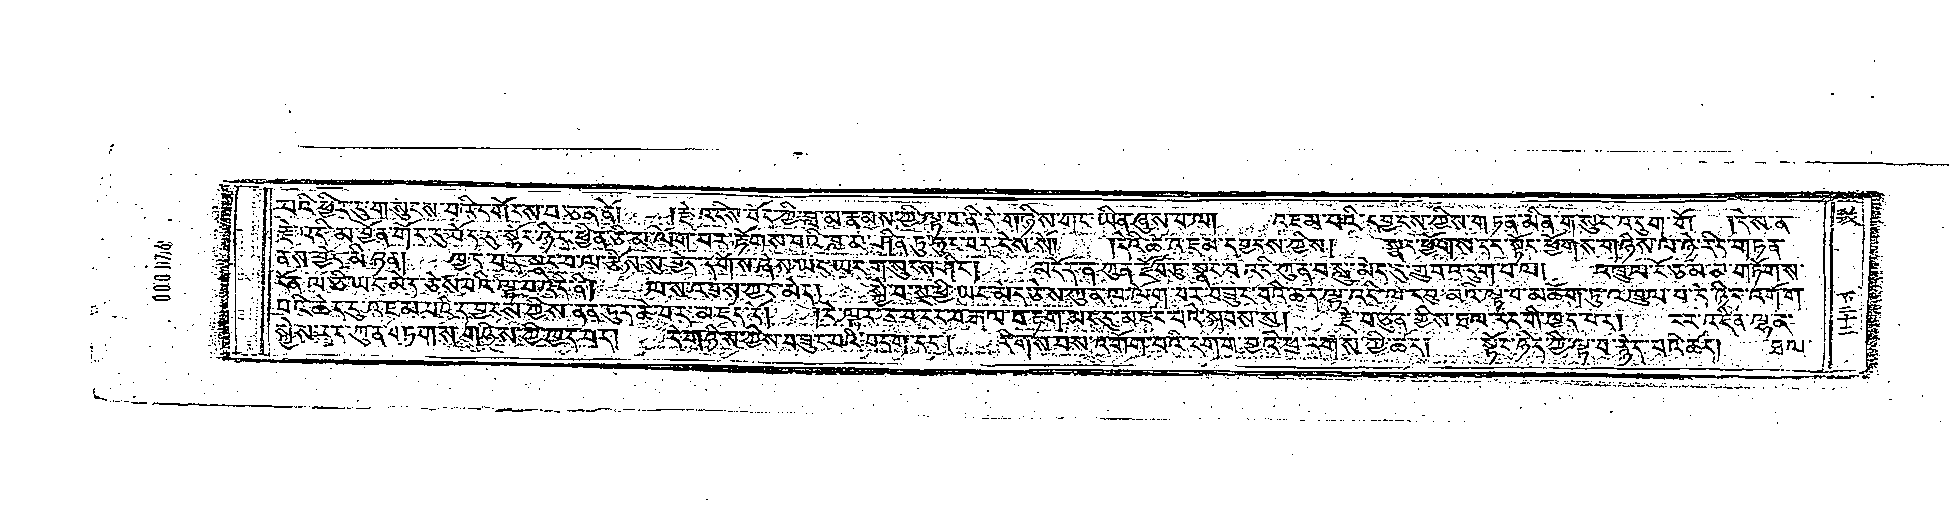པའི་ཕྱིར་དུ་གསུངས་པའི་དགོངས་པ་ཅན་ནོ། །རྗེ་འདིས་བོད་ཀྱི་བླ་མ་རྣམས་ཀྱི་ལྟ་བ་ནི་དེ་གཉིས་གང་ཡིན་ཞུས་པ་ལ། འཇམ་པའི་དབྱངས་ཀྱིས་གཏན་མིན་གསུང་འདུག་གོ །དེས་ན་
རྗེ་འདི་མ་བྱོན་གོང་དུ་བོད་དུ་སྟོང་ཉིད་ཕྱིན་ཅི་མ་ལོག་བར་རྟོགས་པའི་བླ་མ་ཤིན་ཏུ་ཉུང་བར་ངེས་སོ། །དེའི་ཚེ་འཇམ་དབྱངས་ཀྱིས། སྣང་ཕྱོགས་དང་སྟོང་ཕྱོགས་གཉིས་ལ་ཉེ་རིང་གཏན་
ནས་བྱེད་མི་ཉན། ཁྱད་པར་སྣང་བ་ལ་རྩིས་སུ་བྱེད་དགོས་ཞེས་ཡང་ཡང་གསུངས་ཤིང་། མདོར་ན་ཀུན་རྫོབ་ཏུ་སྣང་བ་འདི་ཀུན་བསླུ་མེད་དུ་གྲུབ་འདུག་པ་ལ། འཁྲུལ་ངོ་ཙམ་མ་གཏོགས་
དོན་ལ་ཅི་ཡང་མེད་ཅེས་པའི་ལྟ་བ་འདི་ནི། ལས་འབྲས་ཀྱང་མེད། སྐྱེ་བ་སྔ་ཕྱི་ཡང་མེད་ཅེས་ཀུན་ལ་ལོག་པར་བཟུང་བའི་ཆད་ལྟ་འདི་ལ་དབུ་མའི་ལྟ་པ་མཆོག་ཏུ་འཁྲུལ་པ་དེ་ཉིད་འགོག་
པའི་ཆེད་དུ་འཇམ་པའི་དབྱངས་ཀྱིས་ནན་ཏུར་ཆེ་བར་མཛད་དོ། །དེ་ལྟར་དྲ་བ་དང་བ་རྒལ་བ་རྟག་མང་དུ་མཛད་པའི་སྐབས་སུ། རྗེ་བཙུན་གྱིས་ཐལ་རང་གི་ཁྱད་པར། ངར་འཛིན་ལྷན་
སྐྱེས་དང་ཀུན་བཏགས་གཉིས་ཀྱི་ཁྱད་བར། དེ་གཉིས་ཀྱིས་བཟུང་བའི་བདག་དང་། རིགས་པས་འགོག་པའི་དགག་བྱའི་ཕྲ་རགས་ཀྱི་ཚད། སྟོང་ཉིད་ཀྱི་ལྟ་བ་རྙེད་བའི་ཚད། ཐལ་